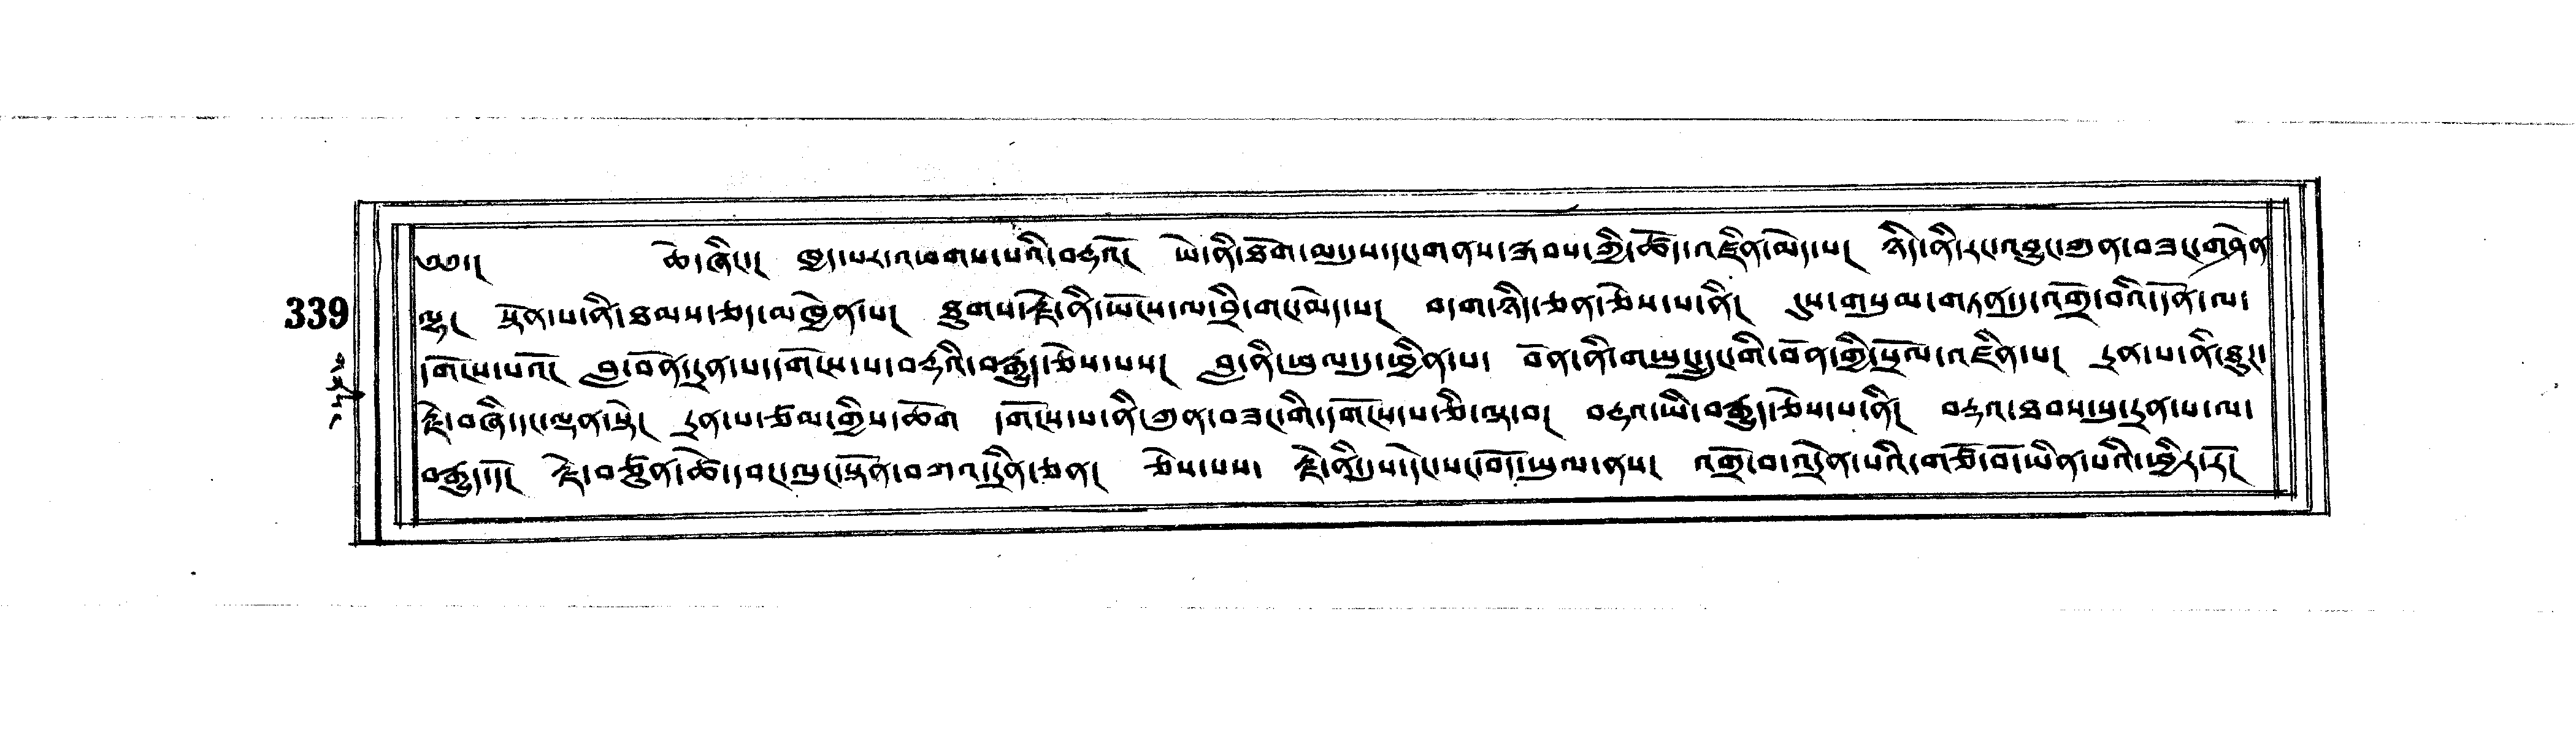ཆེ་ཞིང་། ཁྱད་པར་འཕགས་པའི་བརྡའོ། ཡེ་ནི་ཐོག་མ་དུས་དང་གནས་སྐབས་ཀྱི་ཚོད་འཛིན་མེད་པ། ཉིད་ནི་རང་འབྱུང་ཀུན་བཟང་གཤེན་
ལྷ། སྟོན་པ་ནི་ཐམས་ཅད་མཁྱེན་པ། ཐུགས་རྗེ་ནི་ཡོངས་ལ་བྲི་གང་མེད་པ། བདག་ཉིད་ཅན་ཅེས་པ་ནི། དུས་གསུམ་གཏན་དུ་འགྲོ་བའི་དོན་ལ་
དགོངས་པའོ། བླ་བོན་དྲན་པ་དགོངས་པ་བརྡ་ཡི་རྒྱུད། ཅེས་པས་བླ་ནི་ཕུལ་དུ་ཕྱིན་པ། བོན་ནི་གཡུང་དྲུང་གི་བོན་གྱི་སྲོལ་འཛིན་པ། དྲན་པ་ནི་ཐུགས་
རྗེ་བཞི་དང་ལྡན་ཏེ། དྲན་པ་ཙམ་གྱིས་ཆོག དགོངས་པ་ནི་ཀུན་བཟང་གི་དགོངས་པ་ཅི་ལྟ་བ། བརྡ་ཡི་བརྒྱུད་ཅེས་པ་ནི། བརྡ་ཐབས་སུ་དྲན་པ་ལ་
བརྒྱུད་དོ། རྗེ་བཙུན་ཚེ་དབང་ལུང་སྟོན་བཀའ་དྲིན་ཅན། རྗེ་ནི་དུས་དེང་སང་བོད་ཡུལ་ནས་འགྲོ་བ་འདྲེན་པའི་གཙོ་བོ་ཡིན་པའི་ཕྱིར་རོ།